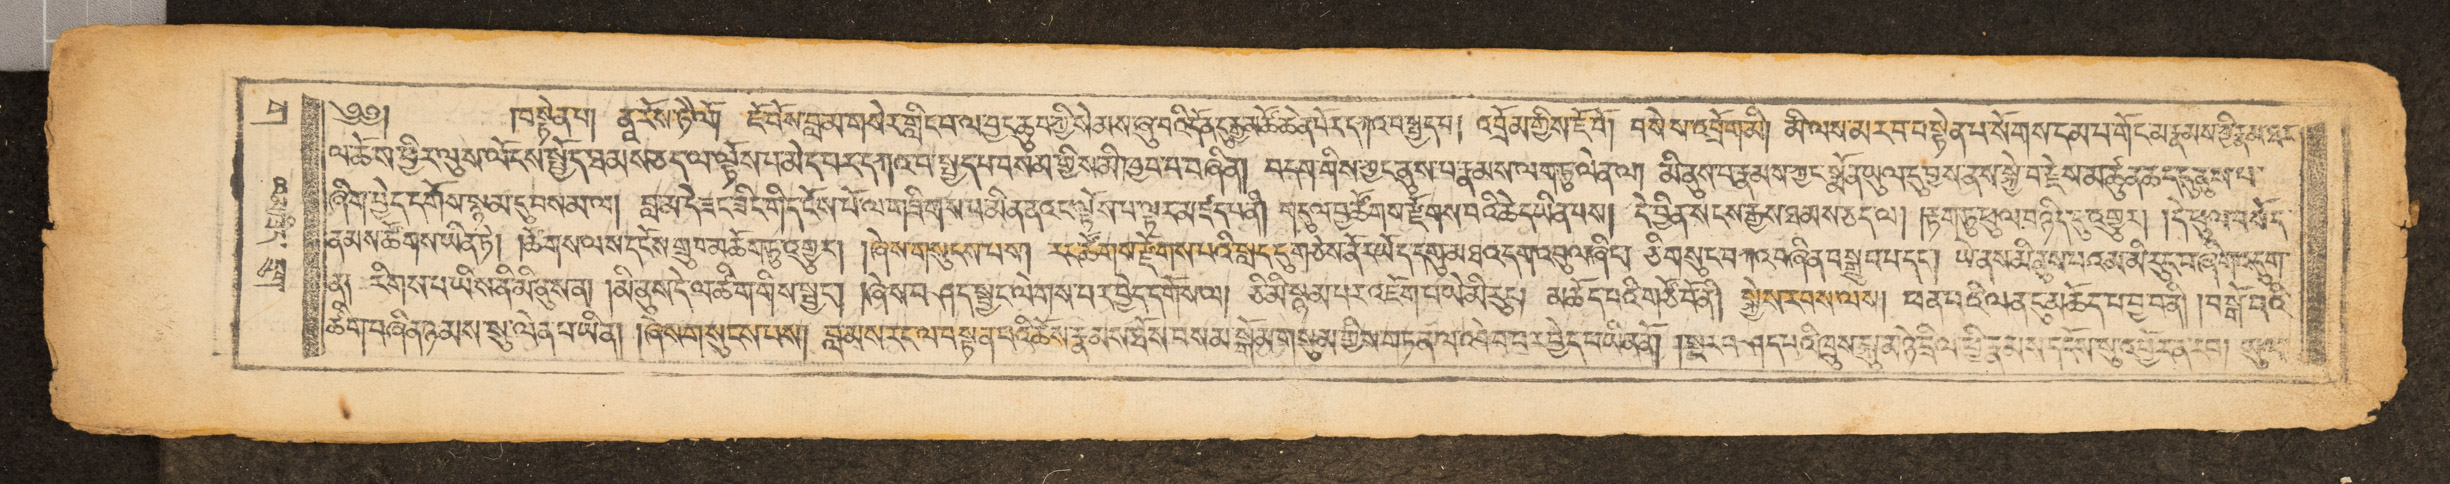༄༅། །བསྟེན་པ། ནཱ་རོས་ཏཻ་ལོ། ཇོ་བོས་བླ་མ་གསེར་གླིང་བ་ལ་བྱང་ཆུབ་ཀྱི་སེམས་ཞུ་བའི་དོན་དུ་རྒྱ་མཚོ་ཆེན་པོར་དཀའ་བ་སྤྱད་པ། འབྲོམ་གྱིས་ཇོ་བོ། བསེས་འབྲོག་མི། མི་ལས་མར་བ་བསྟེན་པ་སོགས་དམ་པ་གོང་མ་རྣམས་ཀྱི་རྣམ་ཐར་
ལ་ཆོས་ཕྱིར་ལུས་ལོངས་སྤྱོད་ཐམས་ཅད་ལ་ལྟོས་པ་མེད་པར་དཀའ་བ་སྤྱད་པ་བསམ་གྱིས་མི་ཁྱབ་པ་བཞིན། བདག་གིས་ཀྱང་ནུས་པ་རྣམས་ལག་ཏུ་ལེན་ལ། མི་ནུས་བ་རྣམས་ཀྱང་སྨོན་ཡུལ་དུ་བྱས་ནས་སྐྱེ་བ་རྗེས་མཚུན་ཆད་དུ་ནུས་པ་
ཞིག་བྱེད་དགོས་སྙམ་དུ་བསམ་ལ། བླ་མ་དེ་ཟང་ཟིང་གི་དངོས་པོ་ལ་གཟིགས་པ་མིན་ནའང་ལྟོས་བ་ལྟར་མཛད་པ་ནི། གདུལ་བྱ་ཚོགས་རྫོགས་པའི་ཆེད་ཡིན་པས། དེ་བྱིན་སངས་རྒྱས་ཐམས་ཅད་ལ། །རྟག་ཏུ་ཕུལ་བ་ཉིད་དུ་འགྱུར། །དེ་ཕུལ་བསོད་
ནམས་ཚོགས་ཡིན་ཏེ། །ཚོགས་ལས་དངོས་གྲུབ་མཆོག་ཏུ་འབྱུང་། །ཞེས་གསུངས་པས། རང་ཚོགས་རྫོགས་པའི་སླད་དུ་གཅེས་ནོར་ཡོད་དགུ་མཐའ་དག་འབུལ་ཞིང་། ཅི་གསུང་བཀའ་བཞིན་བསྒྲུབ་པ་དང་། ཡེ་ནས་མི་ནུས་བའམ་མི་རུང་བ་ཞིག་འདུག་
ན༑ རིགས་པ་ཡིས་ནི་མི་ནུས་ན། །མི་ནུས་དེ་ལ་ཚིག་གིས་སྦྱང་། །ཞེས་བཤད་སྦྱང་ལེགས་པར་བྱེད་དགོས་ལ། ཅི་མི་སྙམ་པར་འཇོག་པ་ཡེ་མི་རུང་། མཆོད་པའི་གཙོ་བོ་ནི། སྐྱེས་རབས་ལས། ཕན་པའི་ལན་དུ་མཆོད་པ་བྱ་བ་ནི། །བསྒོ་བའི་
ཚིག་བཞིན་ཉམས་སུ་ལེན་པ་ཡིན། །ཞེས་གསུངས་པས། བླ་མས་རང་ལ་བསྟན་པའི་ཆོས་རྣམས་ཐོས་བསམ་སྒོམ་གསུམ་གྱིས་གཏན་ལ་འབེབ་བར་བྱེད་པ་ཡིན་ནོ། །སྔར་བཤད་པའི་ཁྲུས་སྐུ་མཉེ་དྲིལ་ཕྱི་རྣམས་དངོས་སུ་འབྱོར་ན་རབ། ཡུལ་